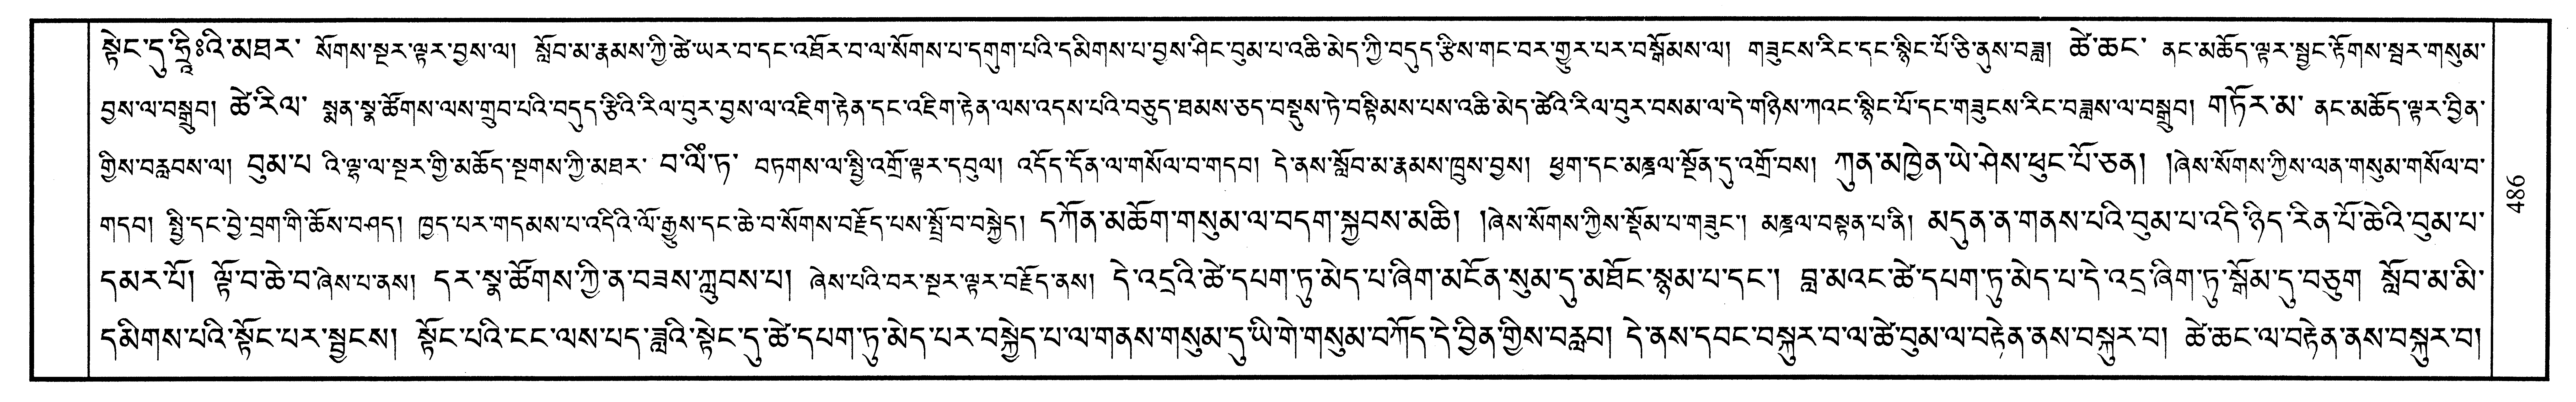སྟེང་དུ་ཧྲཱིཿའི་མཐར་སོགས་སྔར་ལྟར་བྱས་ལ། སློབ་མ་རྣམས་ཀྱི་ཚེ་ཡར་བ་དང་འཐོར་བ་ལ་སོགས་པ་དགུག་པའི་དམིགས་པ་བྱས་ཤིང་བུམ་པ་འཆི་མེད་ཀྱི་བདུད་རྩིས་གང་བར་གྱུར་པར་བསྒོམས་ལ། གཟུངས་རིང་དང་སྙིང་པོ་ཅི་ནུས་བཟླ། ཚེ་ཆང་ནང་མཆོད་ལྟར་སྦྱང་རྟོགས་སྦར་གསུམ་
བྱས་ལ་བསྒྲུབ། ཚེ་རིལ་སྨན་སྣ་ཚོགས་ལས་གྲུབ་པའི་བདུད་རྩིའི་རིལ་བུར་བྱས་ལ་འཇིག་རྟེན་དང་འཇིག་རྟེན་ལས་འདས་པའི་བཅུད་ཐམས་ཅད་བསྡུས་ཏེ་བསྟིམས་པས་འཆི་མེད་ཚེའི་རིལ་བུར་བསམ་ལ་དེ་གཉིས་ཀའང་སྙིང་པོ་དང་གཟུངས་རིང་བཟླས་ལ་བསྒྲུབ། གཏོར་མ་ནང་མཆོད་ལྟར་བྱིན་
གྱིས་བརླབས་ལ། བུམ་པའི་ལྷ་ལ་སྔར་གྱི་མཆོད་སྔགས་ཀྱི་མཐར་བ་ལིཾ་ཏ་བཏགས་ལ་སྤྱི་འགྲོ་ལྟར་དབུལ། འདོད་དོན་ལ་གསོལ་བ་གདབ། དེ་ནས་སློབ་མ་རྣམས་ཁྲུས་བྱས། ཕྱག་དང་མཎྜལ་སྔོན་དུ་འགྲོ་བས། ཀུན་མཁྱེན་ཡེ་ཤེས་ཕུང་པོ་ཅན། །ཞེས་སོགས་ཀྱིས་ལན་གསུམ་གསོལ་བ་
གདབ། སྤྱི་དང་བྱེ་བྲག་གི་ཆོས་བཤད། ཁྱད་པར་གདམས་པ་འདིའི་ལོ་རྒྱུས་དང་ཆེ་བ་སོགས་བརྗོད་པས་སྤྲོ་བ་བསྐྱེད། དཀོན་མཆོག་གསུམ་ལ་བདག་སྐྱབས་མཆི། །ཞེས་སོགས་ཀྱིས་སྡོམ་པ་གཟུང་། མཎྜལ་བསྟན་པ་ནི། མདུན་ན་གནས་པའི་བུམ་པ་འདི་ཉིད་རིན་པོ་ཆེའི་བུམ་པ་
དམར་པོ། ལྟོ་བ་ཆེ་བ་ཞེས་པ་ནས། དར་སྣ་ཚོགས་ཀྱི་ན་བཟས་ཀླུབས་པ། ཞེས་པའི་བར་སྔར་ལྟར་བརྗོད་ནས། དེ་འདྲའི་ཚེ་དཔག་ཏུ་མེད་པ་ཞིག་མངོན་སུམ་དུ་མཐོང་སྙམ་པ་དང་། བླ་མའང་ཚེ་དཔག་ཏུ་མེད་པ་དེ་འདྲ་ཞིག་ཏུ་སྒོམ་དུ་བཅུག །སློབ་མ་མི་
དམིགས་པའི་སྟོང་པར་སྦྱངས། སྟོང་པའི་ངང་ལས་པད་ཟླའི་སྟེང་དུ་ཚེ་དཔག་ཏུ་མེད་པར་བསྐྱེད་པ་ལ་གནས་གསུམ་དུ་ཡི་གེ་གསུམ་བཀོད་དེ་བྱིན་གྱིས་བརླབ། དེ་ནས་དབང་བསྐུར་བ་ལ་ཚེ་བུམ་ལ་བརྟེན་ནས་བསྐུར་བ། ཚེ་ཆང་ལ་བརྟེན་ནས་བསྐུར་བ།